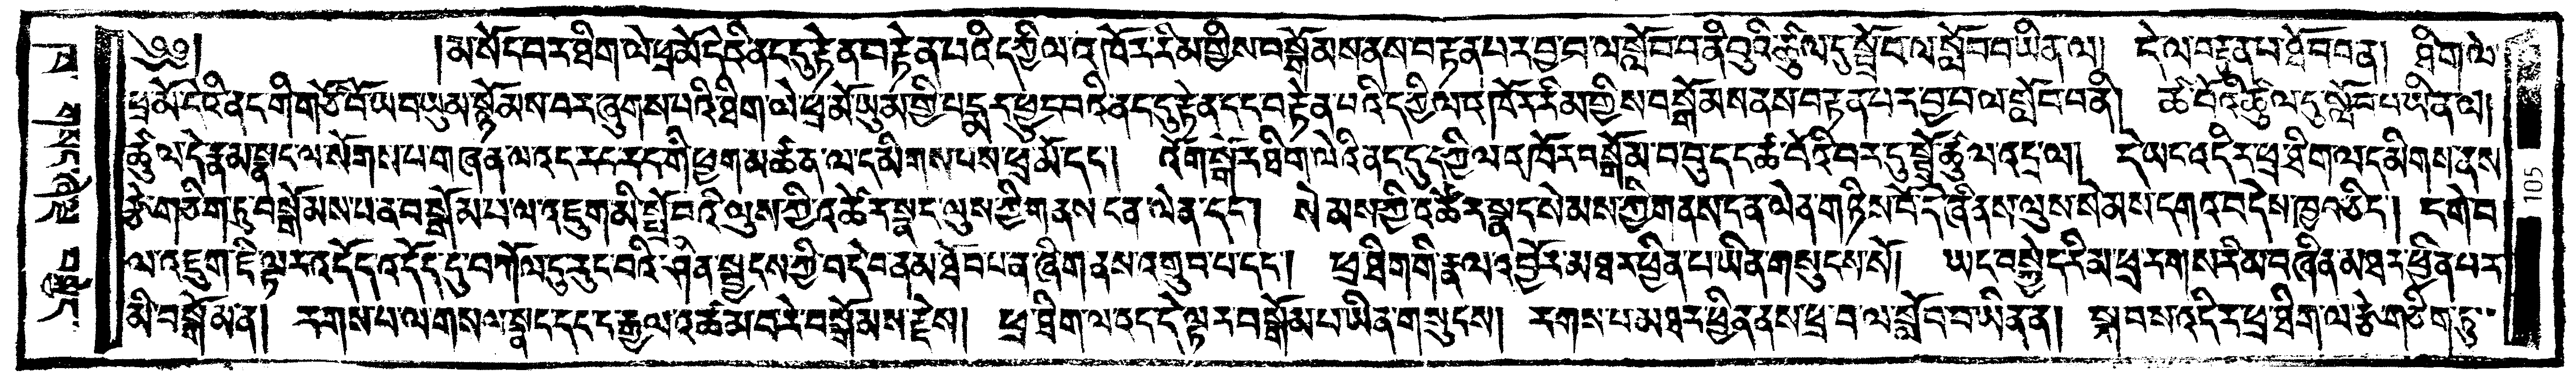༄༅། །མ་སོང་བར་ཐིག་ལེ་ཕྲ་མོ་དེའི་ནང་དུ་རྟེན་བརྟེན་པའི་དཀྱིལ་འཁོར་རིམ་གྱིས་བསྒོམས་ནས་བརྟན་པར་བྱ་བ་ལ་སློབ་པ་ནི་བུའི་ཚུལ་དུ་སྤྲོ་བ་ལ་སློབ་བ་ཡིན་ལ། དེ་ལ་བརྟན་པ་ཐོབ་བ་ན། ཐིག་ལེ་
ཕྲ་མོ་དེའི་ནང་གི་གཙོ་བོ་ཡབ་ཡུམ་སྙོམས་བར་ཞུགས་པའི་ཐིག་ལེ་ཕྲ་མོ་ཡུམ་གྱི་པདམར་ཕྱུང་བའི་ནང་དུ་རྟེན་དང་བརྟེན་པའི་དཀྱིལ་འཁོར་རིམ་གྱིས་བསྒོམས་ནས་བརྟན་པར་བྱ་བ་ལ་སློབ་པ་ནི། ཚ་བོའི་ཚུལ་དུ་སློབ་པ་ཡིན་ལ།
ཚུལ་དེ་རྣམ་སྣང་ལ་སོགས་པ་གཞན་ལའང་རང་རང་གི་ཕྱག་མཚན་ལ་དམིགས་པས་ཕྲ་མོ་དང་། འོག་སྒོར་ཐིག་ལེའི་ནང་དུ་དཀྱིལ་འཁོར་བསྒོམ་པ་བུ་དང་ཚ་བོའི་བར་དུ་སྤྲོ་ཚུལ་འདྲ་ལ། དེ་ཡང་འདིར་ཕྲ་ཐིག་ལ་དམིགས་ནས་
རྩེ་གཅིག་ཏུ་བསྒོམས་པ་ན་བསྒོམ་པ་ལ་འཇུག་མི་སྤྲོ་བའི་ལུས་ཀྱི་འཚེར་སྣང་ལུས་ཀྱི་གནས་ངན་ལེན་དང་། སེམས་ཀྱི་འཚེར་སྣང་སེམས་ཀྱི་གནས་ངན་ལེན་གཉིས་བོ་དེ་ཞི་ནས་ལུས་སེམས་དགའ་བ་དེས་ཁྱབ་ཅིང་། དགེ་བ་
ལ་འཇུག་ཇི་ལྟར་འདོད་འདོད་དུ་བཀོལ་དུ་རུང་བའི་ཤིན་སྦྱངས་ཀྱི་བདེ་བ་ནམ་ཐོབ་པ་ན་ཞི་གནས་འགྲུབ་པ་དང་། ཕྲ་ཐིག་གི་རྣལ་འབྱོར་མཐར་ཕྱིན་པ་ཡིན་གསུངས་སོ། ཡང་བསྐྱེད་རིམ་ཕྲ་རགས་རིམ་བཞིན་མཐར་ཕྱིན་པར་
མི་བསྒོམ་ན། རགས་པ་ལ་གསལ་སྣང་དང་ང་རྒྱལ་འཚམ་བ་རེ་བསྒོམས་རྗེས། ཕྲ་ཐིག་ལ་འང་དེ་ལྟར་བསྒོམ་པ་ཡིན་གསུངས། རགས་པ་མཐར་ཕྱིན་ནས་ཕྲ་བ་ལ་སློབ་བ་ཡིན་ན། སྐབས་འདིར་ཕྲ་ཐིག་ལ་རྩེ་གཅིག་ཏུ་